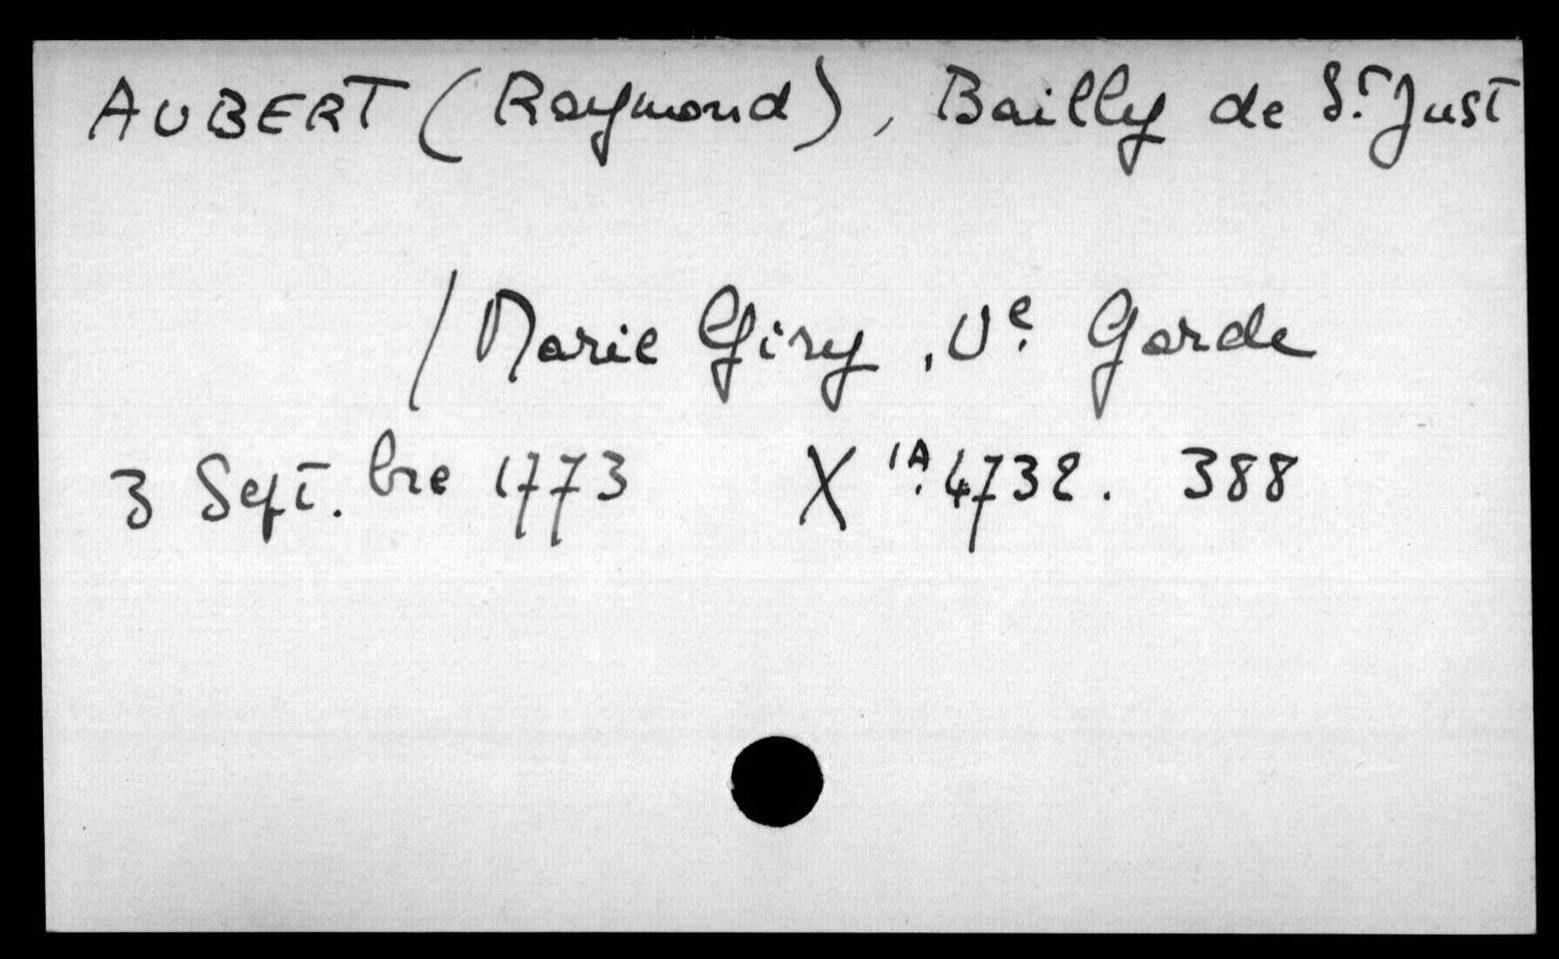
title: AUBERT (Raymond), Bailly de Saint-Just
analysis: Contre Marie Giry, veuve Garde
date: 3 septembre 1773
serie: X1A
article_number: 4732
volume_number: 388
